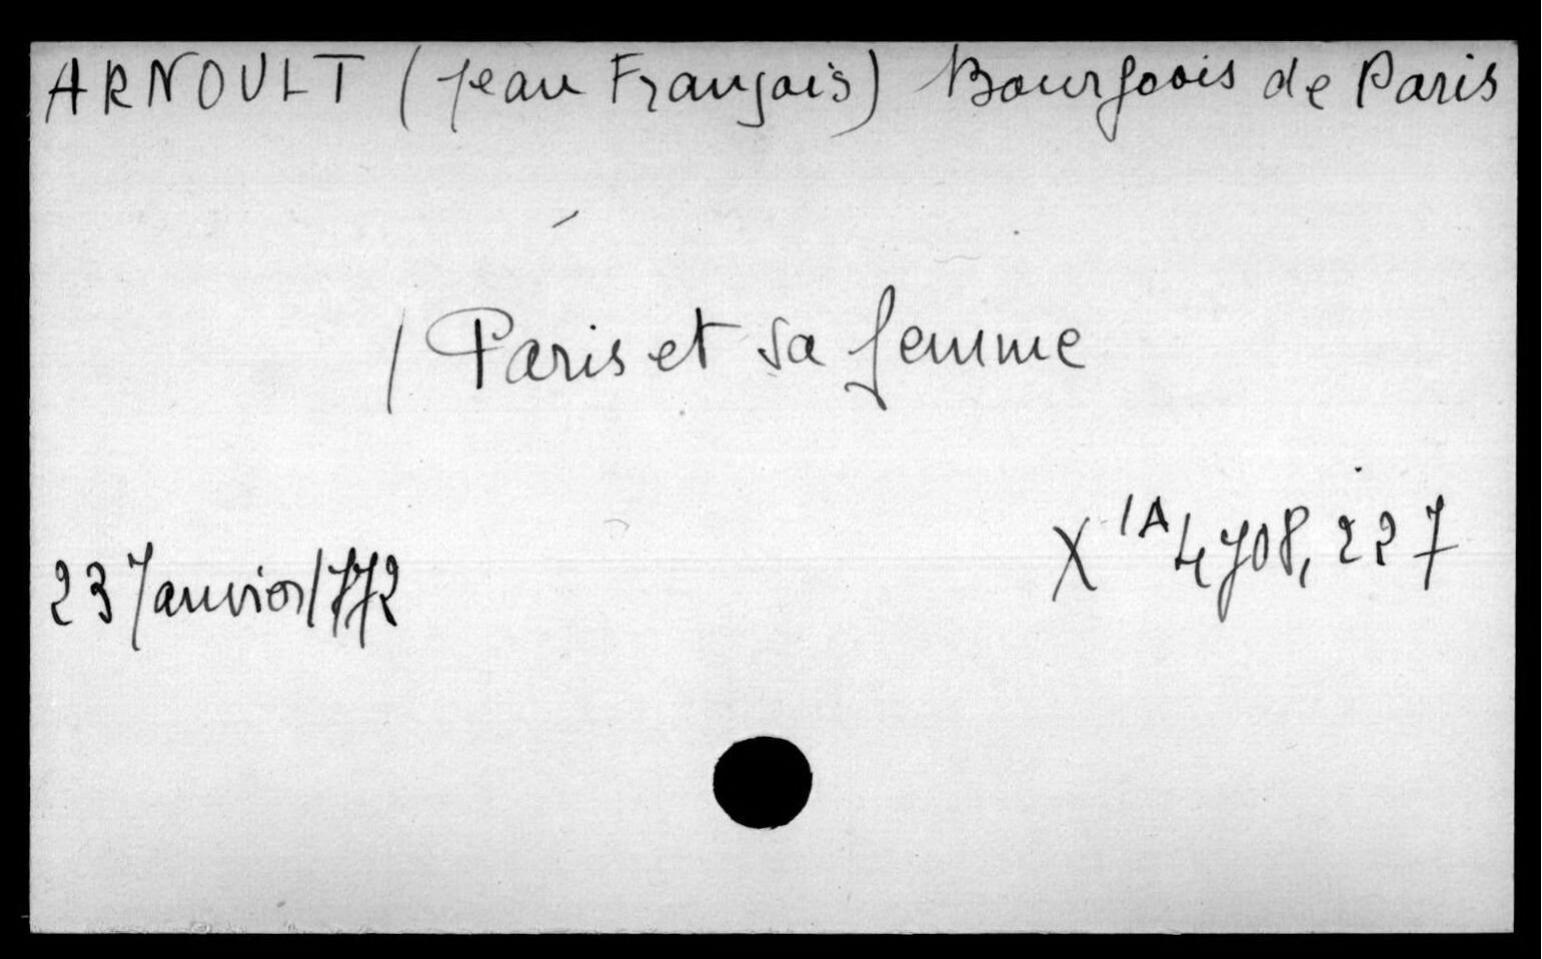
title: ARNOULT (Jean François) Bourgeois de Paris
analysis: Contre Paris et sa femme
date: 23 janvier 1772
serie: X1A
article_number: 4708
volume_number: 227
